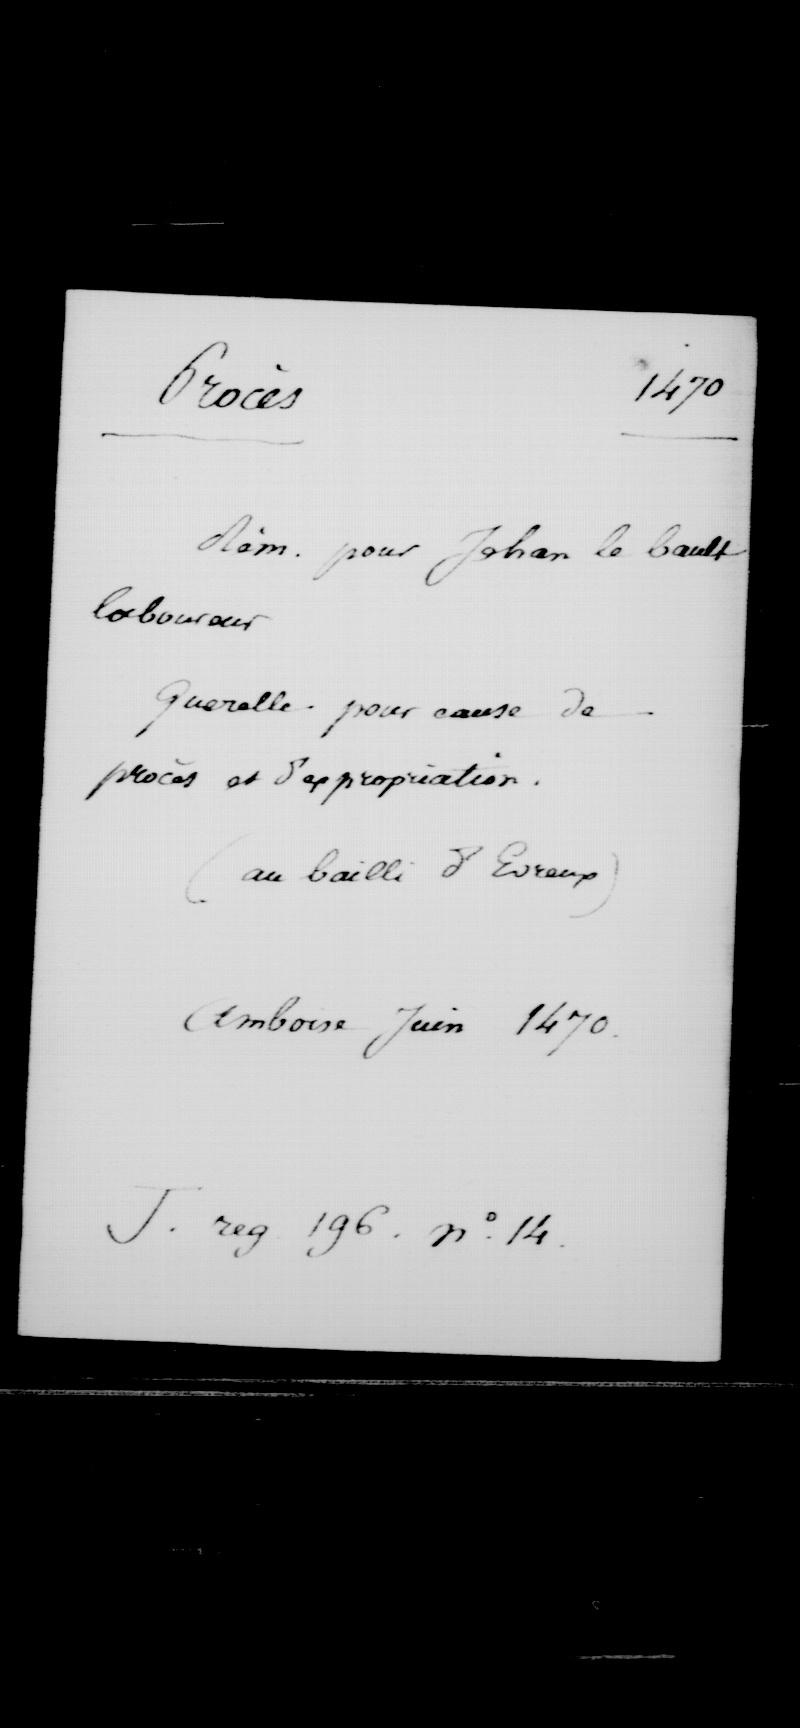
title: Procès
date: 1470
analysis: Rémission pour Jehan le Bault laboureur Querelle pour cause de procès et d'expropriation (au bailli d'Évreux) Amboise
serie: J
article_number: reg 196
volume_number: n° 14
